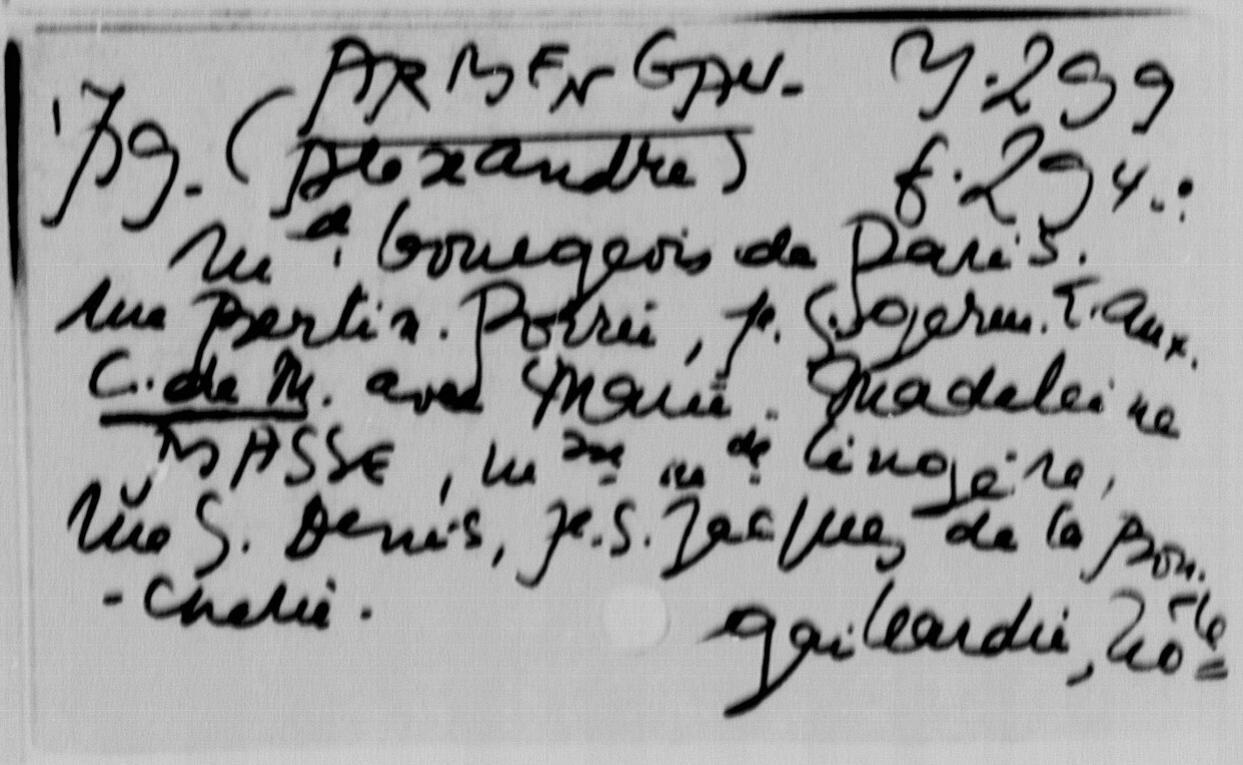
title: ARMENGAU (Alexandre)
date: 1709
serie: Y
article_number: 299
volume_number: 294v
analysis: Marchand bourgeois de Paris, rue Bertin Porrée, paroisse Saint-Germain-l'Auxerrois. Contrat de mariage avec Marie-Madeleine MASSE, maîtresse marchande lingère, rue Saint-Denis, paroisse Saint-Jacques-de-la-Boucherie. Gaillardie, notaire.
